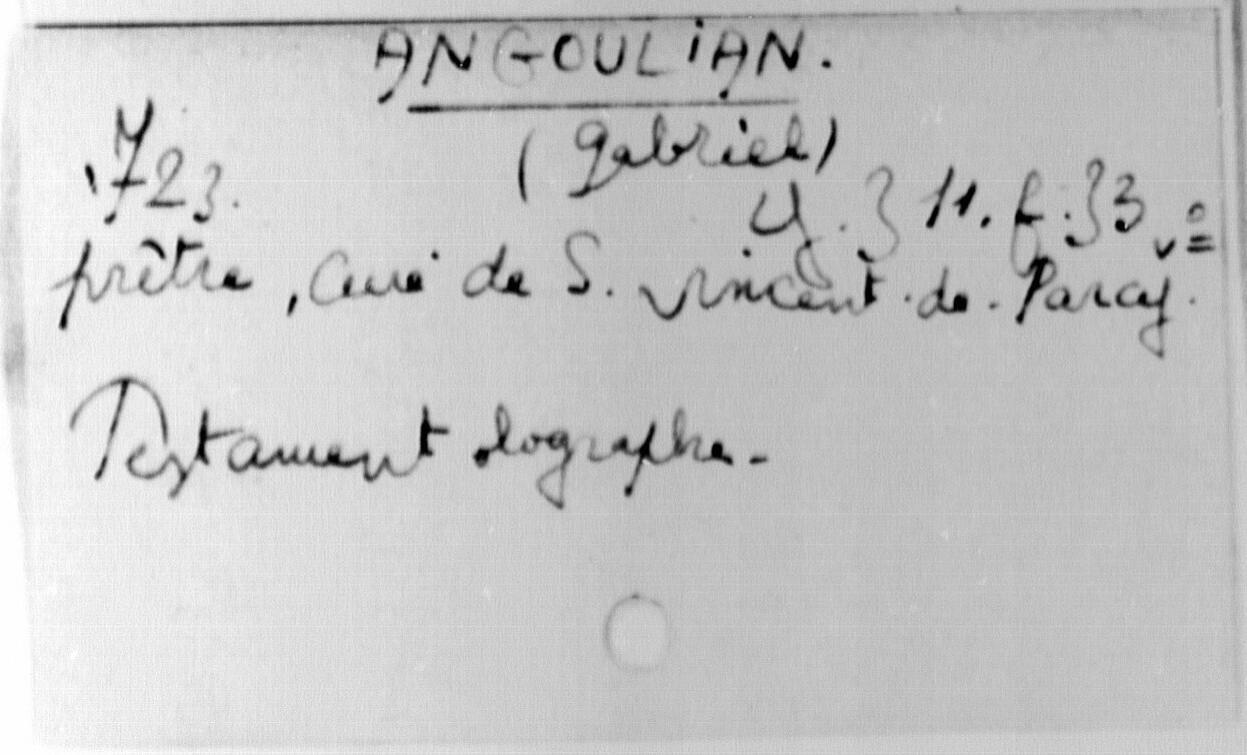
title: ANGOULIAN (Gabriel)
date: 1723
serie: Y
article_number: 311
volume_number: folio 33 verso
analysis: prêtre, curé de Saint Vincent de Parcy Testament olographe
